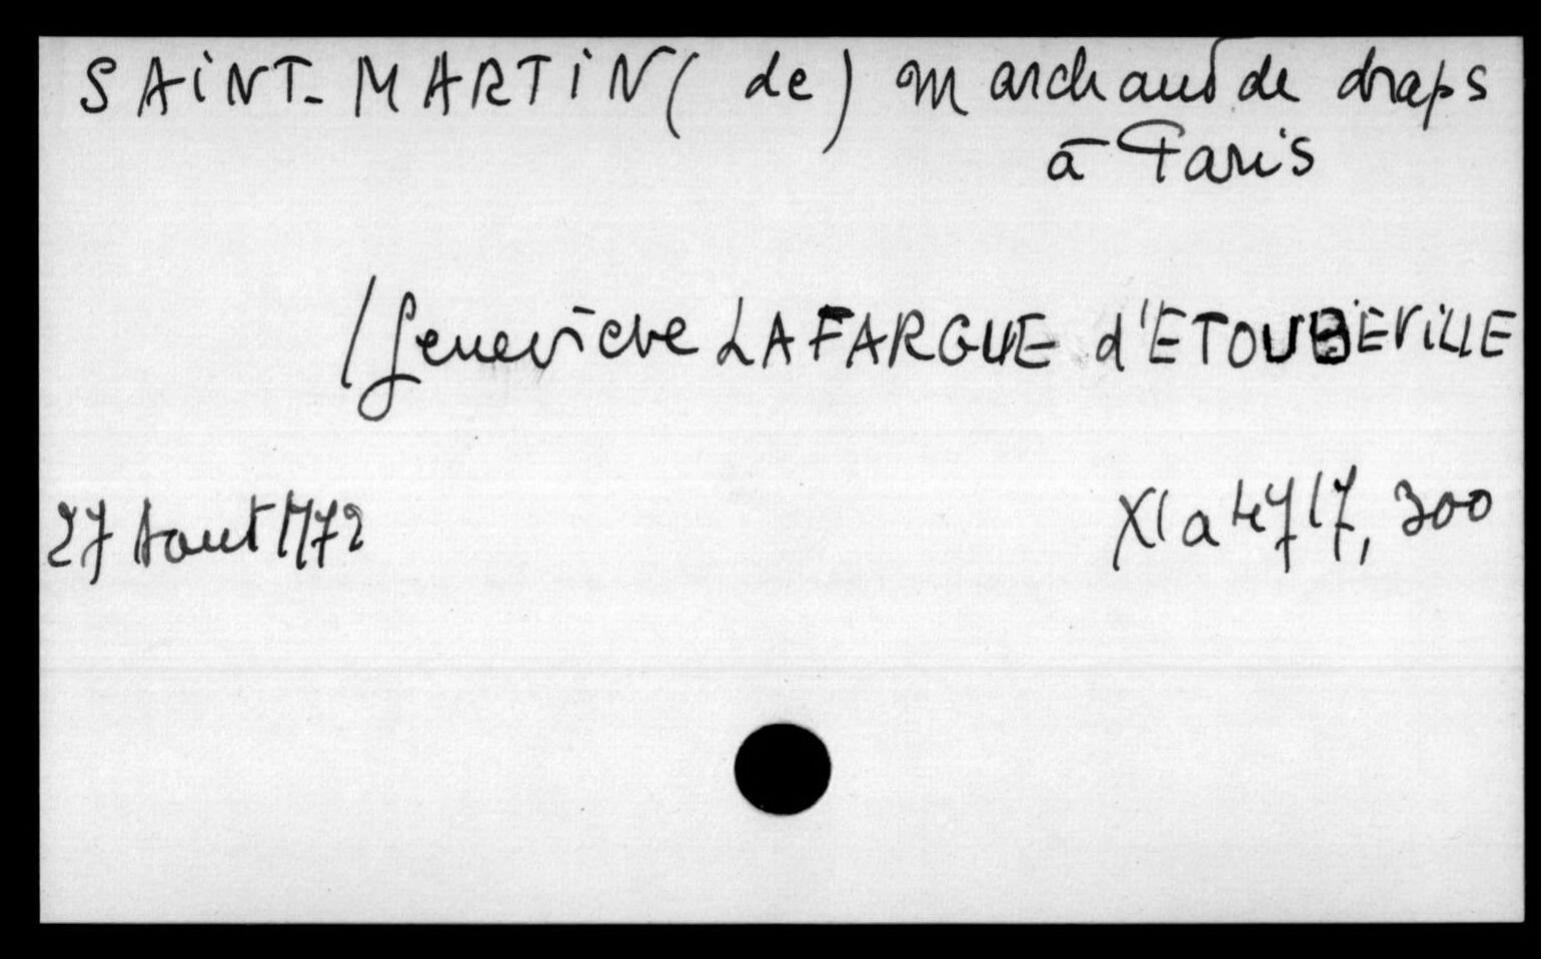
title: SAINT-MARTIN (de) Marchand de draps à Paris
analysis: Contre Geneviève LAFARGUE d'ETOUBEVILE
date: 27 août 1772
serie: X1a
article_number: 4717
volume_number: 300
